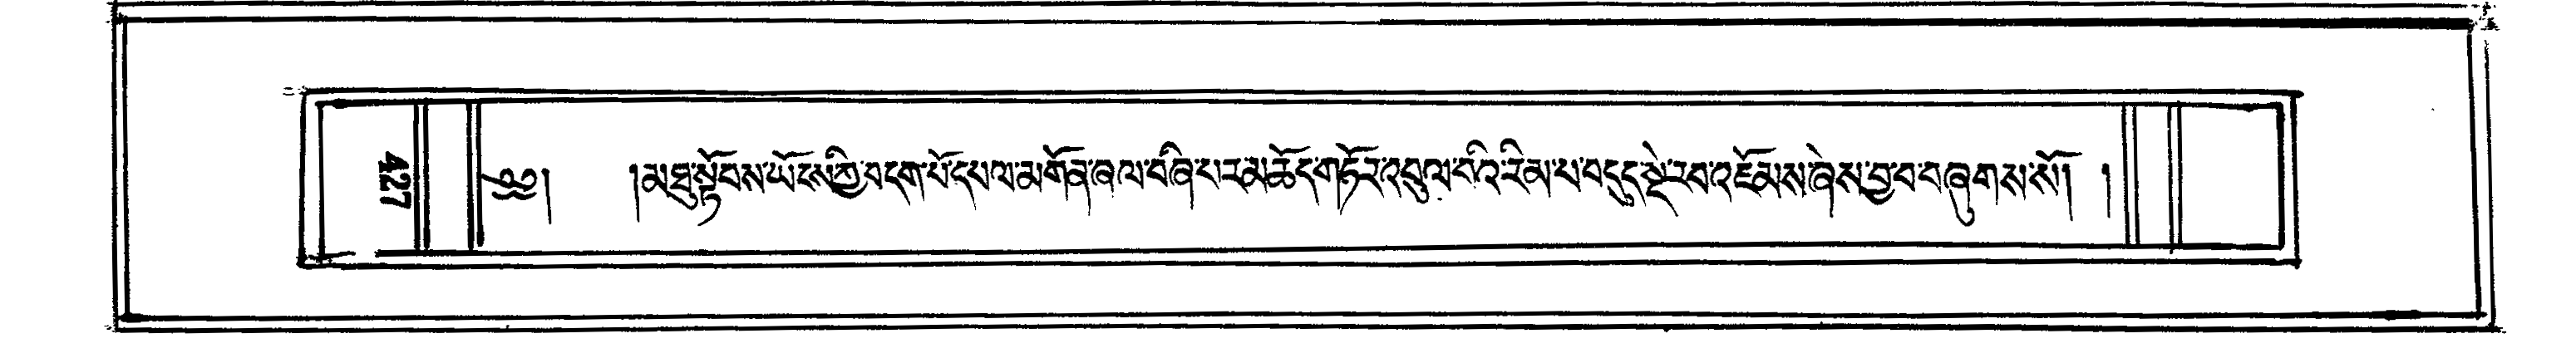༄༅། །མཐུ་སྟོབས་ཡོངས་ཀྱི་བདག་པོ་དཔལ་མགོན་ཞལ་བཞི་པར་མཆོད་གཏོར་འབུལ་བའི་རིམ་པ་བདུད་སྡེ་རབ་འཇོམས་ཞེས་བྱ་བ་བཞུགས་སོ། །